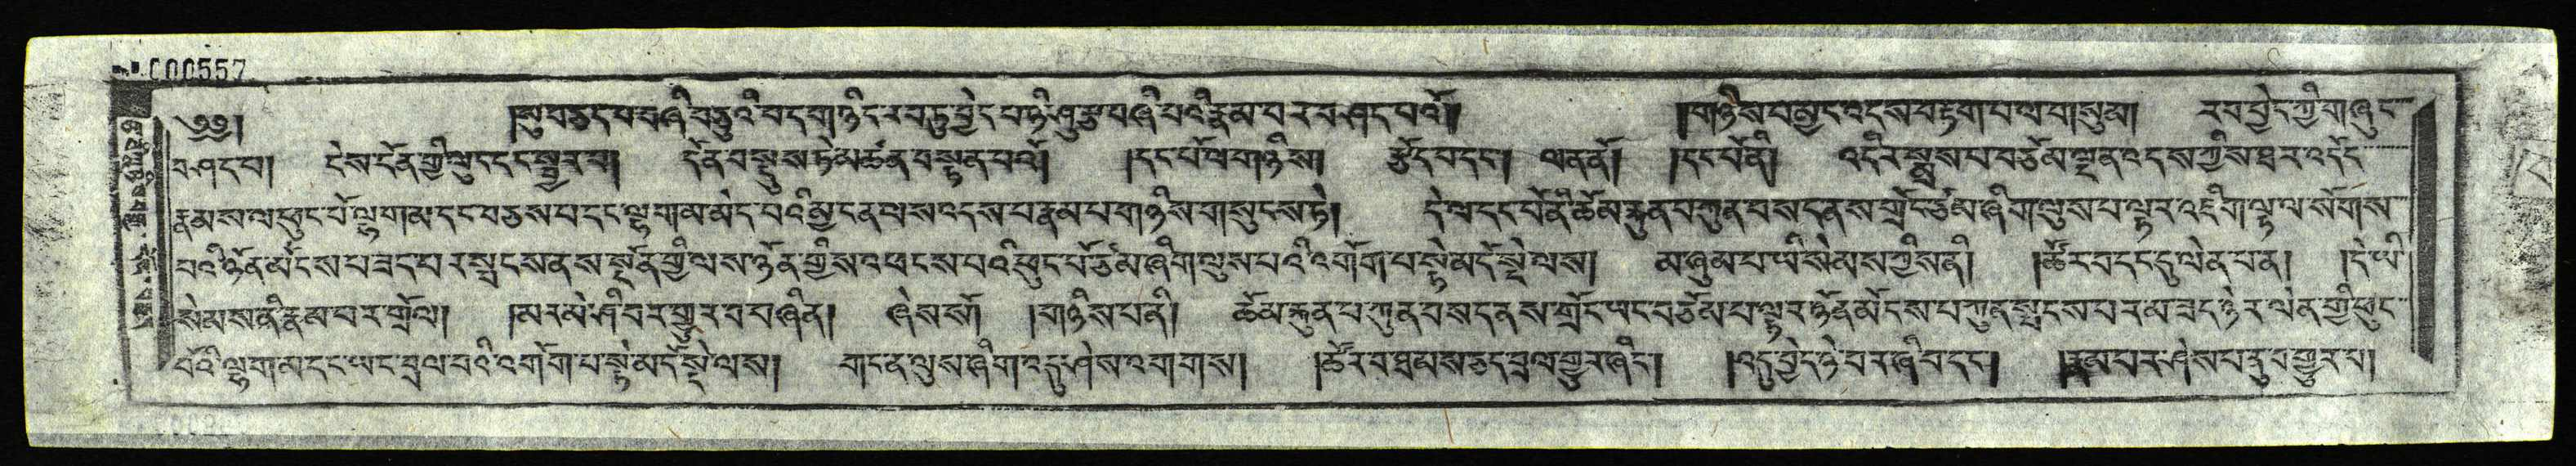༄༅། །སུ་བཅད་པ་བཞི་བཅུའི་བདག་ཉིད་རབ་ཏུ་བྱེད་པ་ཉི་ཤུ་རྩ་བཞི་པའི་རྣམ་པར་བཤད་པའོ།། །།གཉིས་པ་མྱང་འདས་བརྟག་པ་ལ་གསུམ། རབ་བྱེད་ཀྱི་གཞུང་
བཤད་པ། ངེས་དོན་གྱི་ལུང་དང་སྦྱར་བ། དོན་བསྡུས་ཏེ་མཚན་བསྟན་པའོ། །དང་པོ་ལ་གཉིས། རྩོད་པ་དང་། ལན་ནོ། །དང་པོ་ནི། འདིར་སྨྲས་པ་བཅོམ་ལྡན་འདས་ཀྱིས་ཐར་འདོད་
རྣམས་ལ་ཕུང་པོ་ལྷག་མ་དང་བཅས་པ་དང་ལྷག་མ་མེད་པའི་མྱ་ངན་ལས་འདས་པ་རྣམ་པ་གཉིས་གསུངས་ཏེ། དེ་ལ་དང་པོ་ནི་ཆོམ་རྐུན་པ་ཀུན་བསད་ནས་གྲོང་ཙམ་ཞིག་ལུས་པ་ལྟར་འཇིག་ལྟ་ལ་སོགས་
པའི་ཉོན་མོངས་པ་ཟད་པར་སྤངས་ནས་སྔོན་གྱི་ལས་ཉོན་གྱིས་འཕངས་པའི་ཕུང་པོ་ཙམ་ཞིག་ལུས་པའི་འགོག་པ་སྟེ་མདོ་སྡེ་ལས། མ་ཞུམ་པ་ཡི་སེམས་ཀྱིས་ནི། །ཚོར་བ་དང་དུ་ལེན་པ་ན། །དེ་ཡི་
སེམས་ནི་རྣམ་པར་གྲོལ། །མར་མེ་ཤི་བར་གྱུར་བ་བཞིན། ཞེས་སོ། །གཉིས་པ་ནི། ཆོམ་རྐུན་པ་ཀུན་བསད་ནས་གྲོང་ཡང་བཅོམ་པ་ལྟར་ཉོན་མོངས་པ་ཀུན་སྤངས་པར་མ་ཟད་ཉེར་ལེན་གྱི་ཕུང་
པོའི་ལྷག་མ་དང་ཡང་བྲལ་བའི་འགོག་པ་སྟེ་མདོ་སྡེ་ལས། གང་ན་ལུས་ཞིག་འདུ་ཤེས་འགགས། །ཚོར་བ་ཐམས་ཅད་བྲལ་གྱུར་ཞིང་། །འདུ་བྱེད་ཉེ་བར་ཞི་བ་དང་། །རྣམ་པར་ཤེས་པ་ནུ་བ་གྱུར་པ།